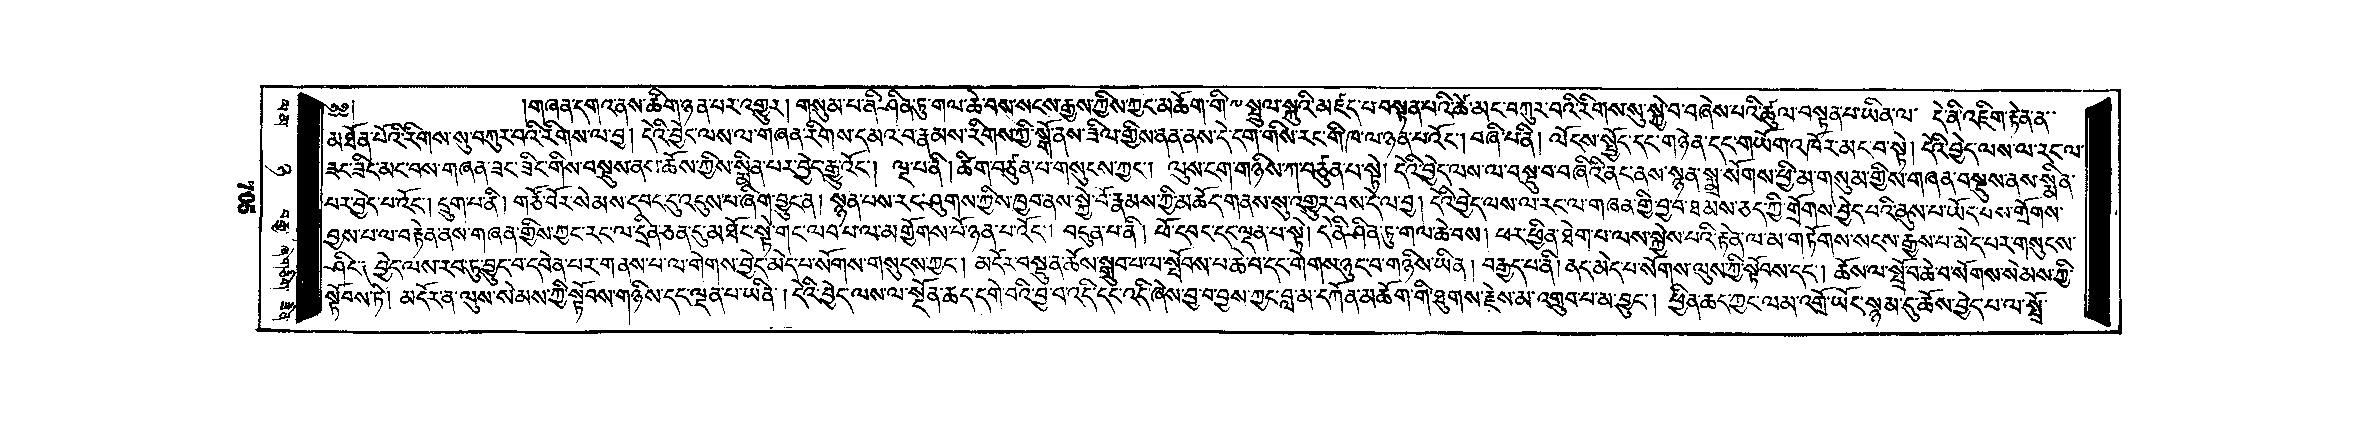༄༅། །གཞན་དགའ་ནས་ཚིག་ཉན་པར་འགྱུར། གསུམ་པ་ནི་ཤིན་ཏུ་གལ་ཆེ་བས་སངས་རྒྱས་ཀྱིས་ཀྱང་མཆོག་གི ༧སྤྲུལ་སྐུའི་མཛད་པ་བསྟན་པའི་ཚེ་མང་བཀུར་བའི་རིགས་སུ་སྐྱེ་བ་བཞེས་པའི་ཚུལ་བསྟན་པ་ཡིན་ལ་དེ་ནི་འཇིག་རྟེན་ན་
མཐོན་པོའི་རིགས་སུ་བཀུར་བའི་རིགས་ལ་བྱ། དེའི་བྱེད་ལས་ལ་གཞན་རིགས་དམའ་བ་རྣམས་རིགས་ཀྱི་སྒོ་ནས་ཟིལ་གྱིས་ནན་ནས་དེ་དག་གིས་རང་གི་ཁ་ལ་ཉན་པའོང་། བཞི་པ་ནི། ལོངས་སྤྱོད་དང་གཉེན་དང་གཡོག་འཁོར་མང་བ་སྟེ། དེའི་བྱེད་ལས་ལ་རང་ལ་
ཟང་ཟིང་མང་བས་གཞན་ཟང་ཟིང་གིས་བསྡུས་ནས་ཆོས་ཀྱིས་སྨིན་པར་བྱེད་རྒྱུ་འོང་། ལྔ་པ་ནི། ཚིག་བཙུན་པ་གསུངས་ཀྱང་། ལུས་ངག་གཉིས་ཀ་བཙུན་པ་སྟེ། དེའི་བྱེད་ལས་ལ་བསྡུ་བ་བཞིའི་ནང་ནས་སྙན་སྨྲ་སོགས་ཕྱི་མ་གསུམ་གྱིས་གཞན་བསྡུས་ནས་སྨིན་
པར་བྱེད་པ་འོང་། དྲུག་པ་ནི། གཙོ་བོར་སེམས་དབང་དུ་འདུས་པ་ཞིག་བྱུང་ན། སྙན་པས་རང་ཤུགས་ཀྱིས་ཁྱབ་ནས་སྐྱེ་བོ་རྣམས་ཀྱི་མཆོད་གནས་སུ་འགྱུར་བས་དེ་ལ་བྱ། དེའི་བྱེད་ལས་ལ་རང་ལ་གཞན་གྱི་བྱ་བ་ཐམས་ཅད་ཀྱི་གྲོགས་བྱེད་པའི་ནུས་པ་ཡོད་པས་གྲོགས་
བྱས་པ་ལ་བརྟེན་ནས་གཞན་གྱིས་ཀྱང་རང་ལ་དྲིན་ཅན་དུ་མཐོང་སྟེ་གང་ལབ་པ་ལ་མགྱོགས་པོ་ཉན་པ་འོང་། བདུན་པ་ནི། ཕོ་དབང་དང་ལྡན་པ་སྟེ། དེ་ནི་ཤིན་ཏུ་གལ་ཆེ་བས། ཕར་ཕྱིན་ཐེག་པ་ལས་སྐྱེས་པའི་རྟེན་ལ་མ་གཏོགས་སངས་རྒྱས་པ་མེད་པར་གསུངས་
ཤིང་། བྱེད་ལས་རབ་ཏུ་བྱུང་བ་དབེན་པར་གནས་པ་ལ་གེགས་བྱེད་མེད་པ་སོགས་གསུངས་ཀྱང་། མདོར་བསྡུ་ན་ཆོས་སྒྲུབ་པ་ལ་སྤོབས་པ་ཆེ་བ་དང་གེགས་ཉུང་བ་གཉིས་ཡིན། བརྒྱད་པ་ནི། ནད་མེད་པ་སོགས་ལུས་ཀྱི་སྟོབས་དང་། ཆོས་ལ་སྤྲོ་བ་ཆེ་བ་སོགས་སེམས་ཀྱི་
སྟོབས་ཏེ། མདོར་ན་ལུས་སེམས་ཀྱི་སྟོབས་གཉིས་དང་ལྡན་པ་ཡིན། དེའི་བྱེད་ལས་ལ་སྔོན་ཆད་དགེ་བའི་བྱ་བ་འདི་དང་འདི་ཞེས་བྱ་བ་བྱས་ཀྱང་བླ་མ་དཀོན་མཆོག་གི་ཐུགས་རྗེས་མ་འགྲུབ་པ་མ་བྱུང་། ཕྱིན་ཆད་ཀྱང་ལམ་འགྲོ་ཡོང་སྙམ་དུ་ཆོས་བྱེད་པ་ལ་སྤྲོ་